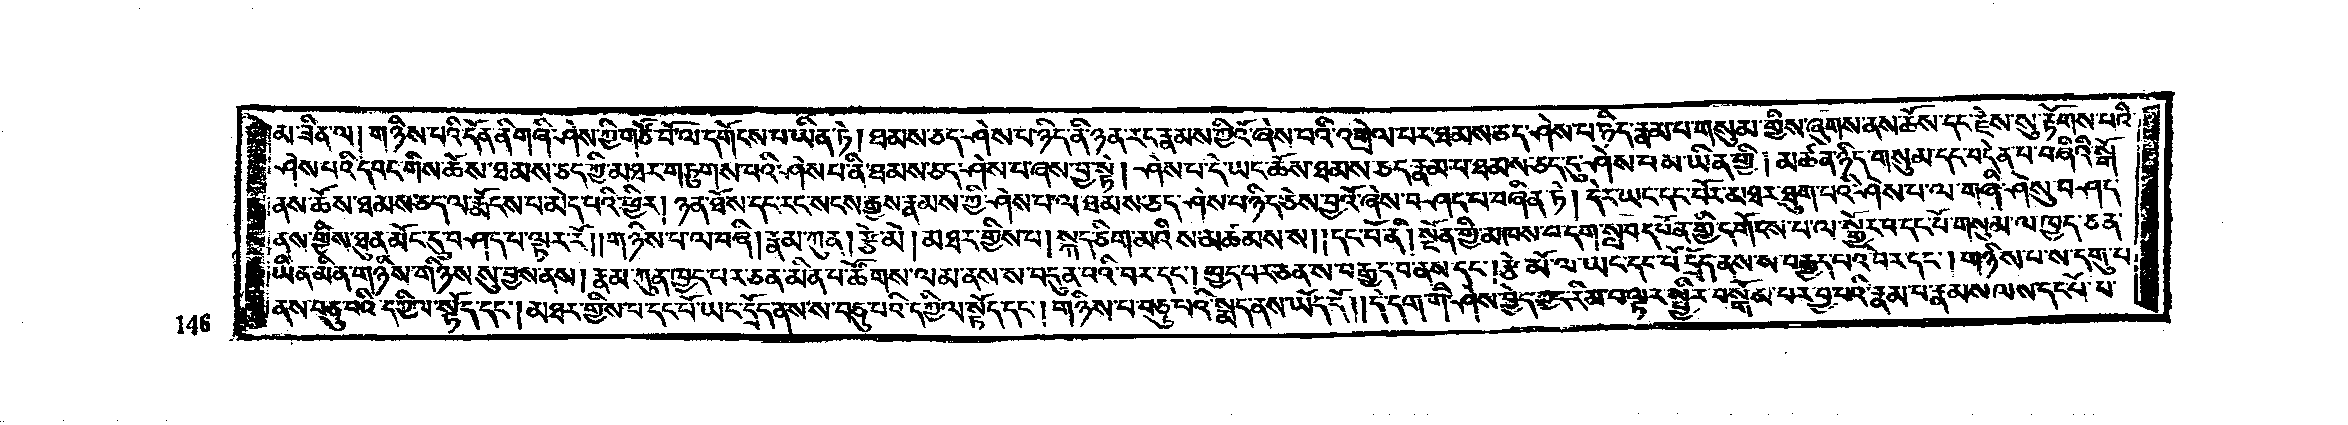མ་ཟིན་ལ། གཉིས་པའི་དོན་ནི་གཞི་ཤེས་ཀྱི་གཙོ་བོ་ལ་དགོངས་པ་ཡིན་ཏེ། ཐམས་ཅད་ཤེས་པ་ཉིད་ནི་ཉན་རང་རྣམས་ཀྱིའོ་ཞེས་པའི་འགྲེལ་པར་ཐམས་ཅད་ཤེས་པ་ཉིད་རྣམ་པ་གསུམ་གྱིས་ཞུགས་ནས་ཆོས་དང་རྗེས་སུ་རྟོགས་པའི་
ཤེས་པའི་དབང་གིས་ཆོས་ཐམས་ཅད་ཀྱི་མཐར་གཏུགས་པའི་ཤེས་པ་ནི་ཐམས་ཅད་ཤེས་པ་ཞེས་བྱ་སྟེ། ཤེས་པ་དེ་ཡང་ཆོས་ཐམས་ཅད་རྣམ་པ་ཐམས་ཅད་དུ་ཤེས་པ་མ་ཡིན་གྱི། མཚན་ཉིད་གསུམ་དང་བདེན་པ་བཞིའོ་སྒོ་
ནས་ཆོས་ཐམས་ཅད་ལ་རྨོངས་པ་མེད་པའི་ཕྱིར། ཉན་ཐོས་དང་རང་སངས་རྒྱས་རྣམས་ཀྱི་ཤེས་པ་ལ་ཐམས་ཅད་ཤེས་པ་ཉིད་ཅེས་བྱའོ་ཞེས་བཤད་པ་བཞིན་ཏེ། དེར་ཡང་དང་པོར་མཐར་ཐུག་པའི་ཤེས་པ་ལ་གཞི་ཤེས་སུ་བཤད་
ནས་ཕྱིས་ཐུན་མོང་དུ་བཤད་པ་ལྟར་རོ། །གཉིས་པ་ལ་བཞི། རྣམ་ཀུན། རྩེ་མོ། མཐར་གྱིས་པ། སྐད་ཅིག་མའི་ས་མཚམས་སོ། །དང་པོ་ནི། སྔོན་གྱི་མཁས་པ་དག་སློབ་དཔོན་གྱི་དགོངས་པ་ལ་སྦྱོར་བ་དང་པོ་གསུམ་ལ་ཁྱད་ཅན་
ཡིན་མིན་གཉིས་གཉིས་སུ་བྱས་ནས། རྣམ་ཀུན་ཁྱད་པར་ཅན་མིན་པ་ཚོགས་ལམ་ནས་ས་བདུན་པའི་བར་དང་། ཁྱད་པར་ཅན་ས་བརྒྱད་པ་ནས་དང་། རྩེ་མོ་ལ་ཡང་དང་པོ་དྲོད་ནས་ས་བརྒྱད་པའི་བར་དང་། གཉིས་པ་ས་དགུ་པ་
ནས་བཅུ་པའི་དཀྱིལ་སྟོད་དང་། མཐར་གྱིས་པ་དང་པོ་ཡང་དྲོད་ནས་ས་བཅུ་པའི་དཀྱིལ་སྟོད་དང་། གཉིས་པ་བཅུ་པའི་སྨད་ནས་ཡོད་དོ། །དེ་དག་གི་ཤེས་བྱེད་ཀྱང་རིམ་པ་ལྟར་སྤྱིར་བསྒོམ་པར་བྱ་བའི་རྣམ་པ་རྣམས་ལས་དང་པོ་མ་